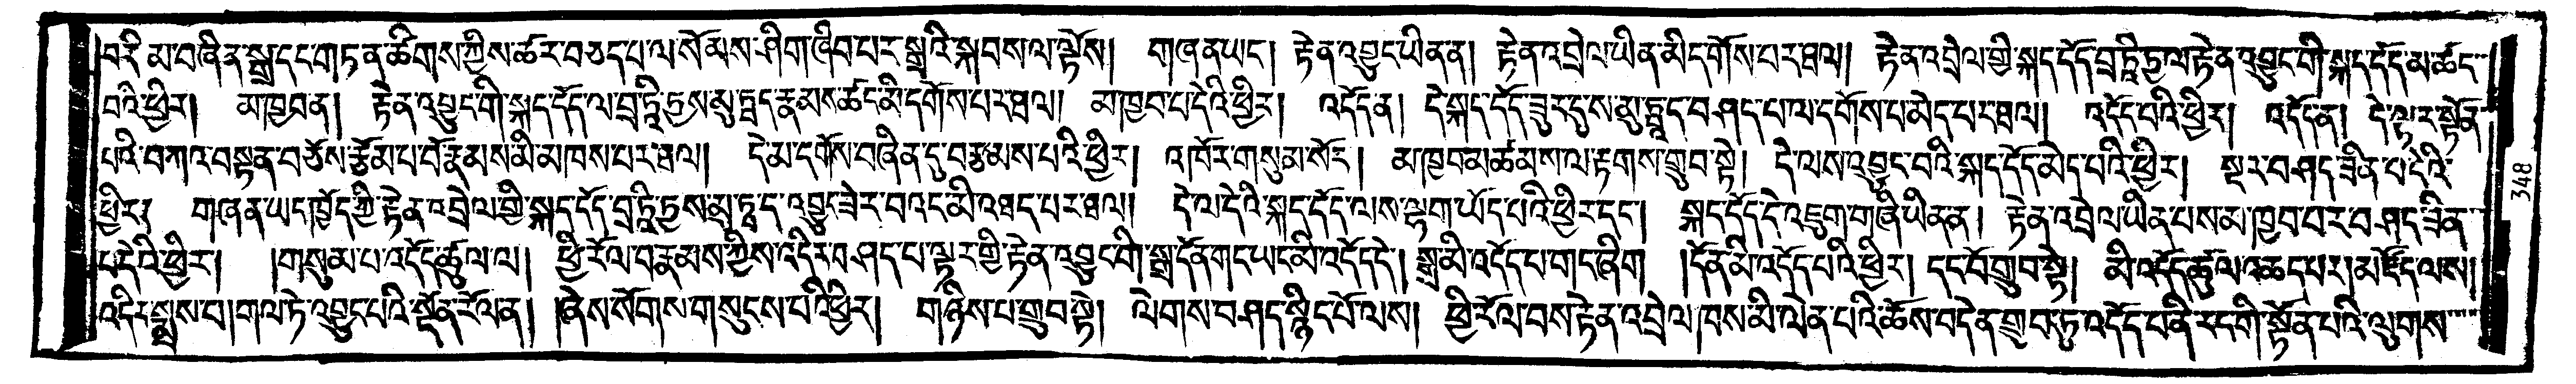བ་རིམ་བཞིན་སྒྲ་དང་གཏན་ཚིགས་ཀྱིས་ཚར་བཅད་པ་ལ་སོམས་ཤིག་ཞིབ་པར་སྒྲའི་སྐབས་ལ་ལྟོས། གཞན་ཡང་། རྟེན་འབྱུང་ཡིན་ན། རྟེན་འབྲེལ་ཡིན་མི་དགོས་པར་ཐལ། རྟེན་འབྲེལ་གྱི་སྐད་དོད་པྲ་ཏཱི་ཏྱ་ལ་རྟེན་འབྱུང་གི་སྐད་དོད་མ་ཚང་
བའི་ཕྱིར། མ་ཁྱབ་ན། རྟེན་འབྱུང་གི་སྐད་དོད་ལ་པྲ་ཏཱི་ཏྱས་མུ་ཏྦད་རྣམས་ཚང་མི་དགོས་པར་ཐལ། མ་ཁྱབ་པ་དེའི་ཕྱིར། འདོད་ན། དེ་སྐད་དོད་ཟུར་དུས་མུ་ཏྦཱ་ད་བཤད་པ་ལ་དགོས་པ་མེད་པར་ཐལ། འདོད་པའི་ཕྱིར། འདོད་ན། དེ་ལྟར་སྟོན་
པའི་བཀའ་བསྟན་བཅོས་རྩོམ་པ་བོ་རྣམས་མི་མཁས་པར་ཐལ། དེ་མ་དགོས་བཞིན་དུ་བརྩམས་པའི་ཕྱིར། འཁོར་གསུམ་སོར། མ་ཁྱབ་མཚམས་ལ་རྟགས་གྲུབ་སྟེ། དེ་ལས་འབྱུང་བའི་སྐད་དོད་མེད་པའི་ཕྱིར། སྔར་བཤད་ཟིན་པ་དེའི་
ཕྱིར༑ གཞན་ཡང་ཁྱོད་ཀྱི་རྟེན་འབྲེལ་གྱི་སྐད་དོད་པྲ་ཏཱི་ཏྱས་མུ་ཏྭ་ད་འབྱུང་ཟེར་བའང་མི་འཐད་པར་ཐལ། དེ་ལ་དེའི་སྐད་དོད་ལས་ལྷག་ཡོད་པའི་ཕྱིར་དང་། སྐད་དོད་དེ་འཇུག་གཞི་ཡིན་ན། རྟེན་འབྲེལ་ཡིན་པས་མ་ཁྱབ་པར་བཤད་ཟིན་
པ་དེའི་ཕྱིར། །གསུམ་པ་འདོད་ཚུལ་ལ། ཕྱི་རོལ་བ་རྣམས་ཀྱིས་འདིར་བཤད་པ་ལྟར་གྱི་རྟེན་འབྱུང་གི་སྒྲ་དོན་གང་ཡང་མི་འདོད་དེ། སྒྲ་མི་འདོད་པ་གང་ཞིག །དོན་མི་འདོད་པའི་ཕྱིར། དང་པོ་གྲུབ་སྟེ། མི་འདོད་ཚུལ་འཆད་པར། མཛོད་ལས།
འདིར་སྨྲས་པ། གལ་ཏེ་འབྱུང་པའི་སྔོན་རོལ་ན། །ཞེས་སོགས་གསུངས་པའི་ཕྱིར། གཉིས་པ་གྲུབ་སྟེ། ལེགས་བཤད་སྙིང་པོ་ལས། ཕྱི་རོལ་བས་རྟེན་འབྲེལ་ཁས་མི་ལེན་པའི་ཆོས་བདེན་གྲུབ་ཏུ་འདོད་པ་ནི་རང་གི་སྟོན་པའི་ལུགས་